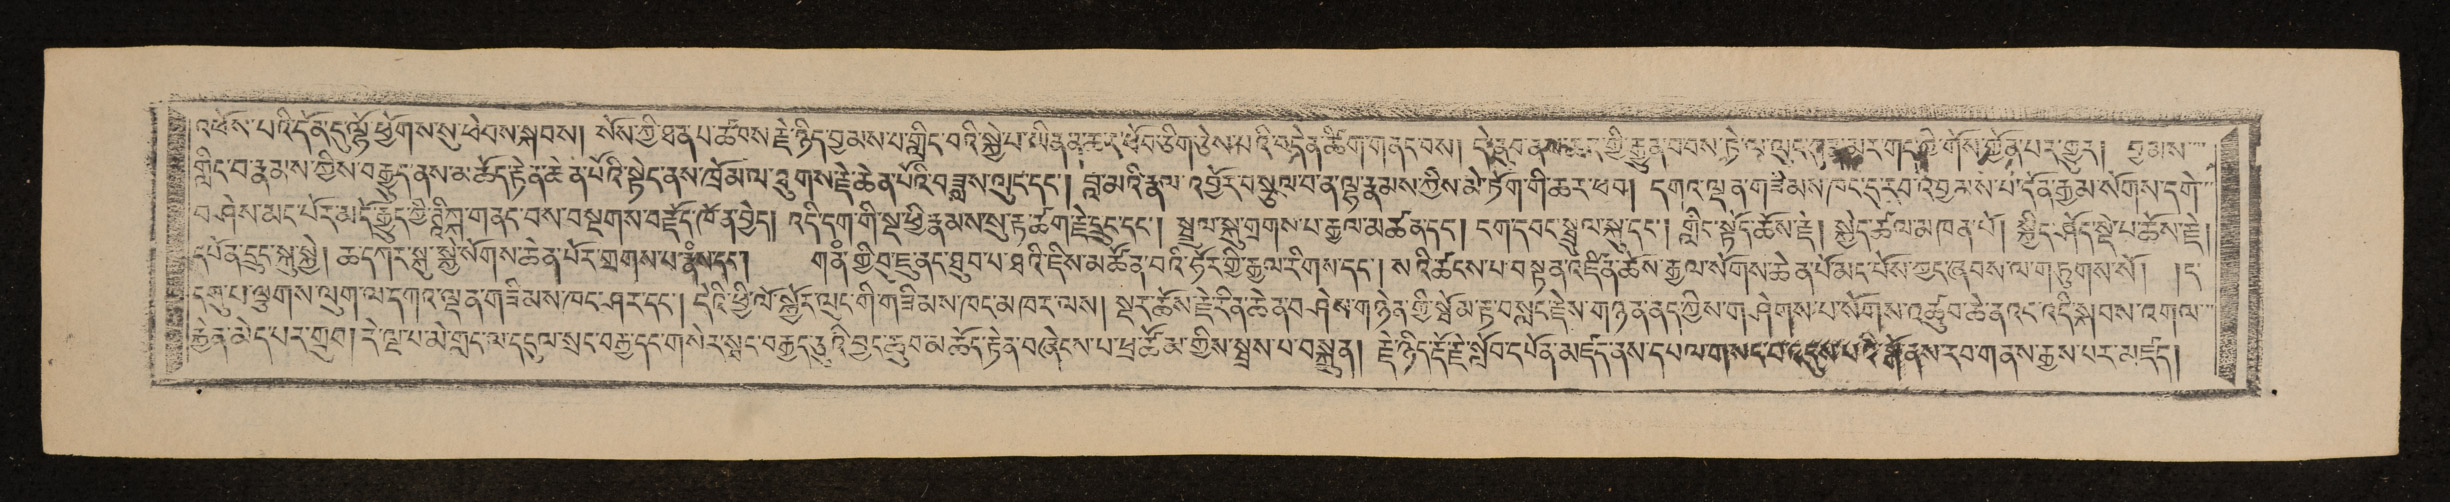འཕོས་པའི་དོན་དུ་ལྷོ་ཕྱོགས་སུ་ཕེབས་སྐབས། སོས་ཀྱི་ཐན་པ་ཚབས་རྗེ་ཉིད་བྱམས་པ་གླིང་བའི་སྐྱེ་བ་ཡིན་ན་ཆར་ཕོབ་ཅིག་ཅེས་པའི་བདེན་ཚིག་གནང་བས། དེ་ནུབ་ནས་ཆར་གྱི་རྒྱུན་བབས་ཏེ་ལ་ལུང་ཀུན་མར་གད་ཀྱི་གོས་གྱོན་པར་གྱུར། བྱམས་
གླིང་པ་རྣམས་ཀྱིས་བརྒྱུད་ནས་མཆོད་རྟེན་ཆེན་པོའི་སྟེང་ནས་ཁྲོམ་ལ་ཐུགས་རྗེ་ཆེན་པོའི་བཟླས་ལུང་དང་། བླ་མའི་རྣལ་འབྱོར་བསྩལ་བ་ན་ལྷ་རྣམས་ཀྱིས་མེ་ཏོག་གི་ཆར་ཕབ། དགའ་ལྡན་གཟིམས་ཁང་དུ་རབ་འབྱམས་པ་དོན་རྒྱམ་སོགས་དགེ་
བཤེས་མང་པོར་མདོ་རྒྱུད་ཀྱི་ཊཱིཀྐ་གནང་བས་བསྔགས་བརྗོད་ཁོ་ན་བྱེད། འདི་དག་གི་སྔ་ཕྱི་རྣམས་སུ་རྟ་ཚག་རྗེ་དྲུང་དང་། སྤྲུལ་སྐུ་གྲགས་པ་རྒྱལ་མཚན་དང་། ངག་དབང་སྤྲུལ་སྐུ་དང་། གླིང་སྟོད་ཆོས་རྗེ། སྐྱེད་ཚལ་མཁན་པོ། སྐྱིད་ཤོད་སྡེ་པ་ཆོས་རྗེ།
དཔོན་དྲུང་སྐུ་སྐྱེ། ཆ་དཀར་སྐུ་སྐྱེ་སོགས་ཆེན་པོར་གྲགས་པ་རྣམས་དང་། གནམ་གྱི་བུ་ཇུ་ནང་ཐུབ་པ་ཐའི་ཇིས་མཚེན་བའི་ཧོར་གྱི་རྒྱལ་རིགས་དང་། སའི་ཚངས་པ་བསྟན་འཛིན་ཆོས་རྒྱལ་སོགས་ཆེན་པོ་མང་པོས་ཀྱང་ཞབས་ལ་གཏུགས་སོ། །ང་
དགུ་པ་ལྕགས་ལུག་ལ་དགའ་ལྡན་གཟིམས་ཁང་ཤར་དང་། དེའི་ཕྱི་ལོ་སྐྱོར་ལུང་གི་གཟིམས་ཁང་མཁར་ལས། སྔར་ཆོས་རྗེ་རིན་ཆེན་བཤེས་གཉེན་གྱི་སྦོམ་རྟ་བསླང་རྗེས་གཉན་ནད་ཀྱིས་གཤེགས་པ་སོགས་འཚུབ་ཆེ་ནའང་འདི་སྐབས་འགལ་
རྐྱེན་མེད་པར་གྲུབ། རེ་ལྔ་བ་མེ་གླང་ལ་དངུལ་སྲང་བརྒྱ་དང་གསེར་སྲང་བརྒྱད་ཅུའི་བྱང་ཆུབ་མཆོད་རྟེན་བཞེངས་པ་ཕྲ་ཚོམ་གྱིས་སྤྲས་པ་བསྐྲུན། རྗེ་ཉིད་རྡོ་རྗེ་སློབ་དཔོན་མཛད་ནས་དཔལ་གསང་བ་འདུས་པའི་སྒོ་ནས་རབ་གནས་རྒྱས་པར་མཛད།